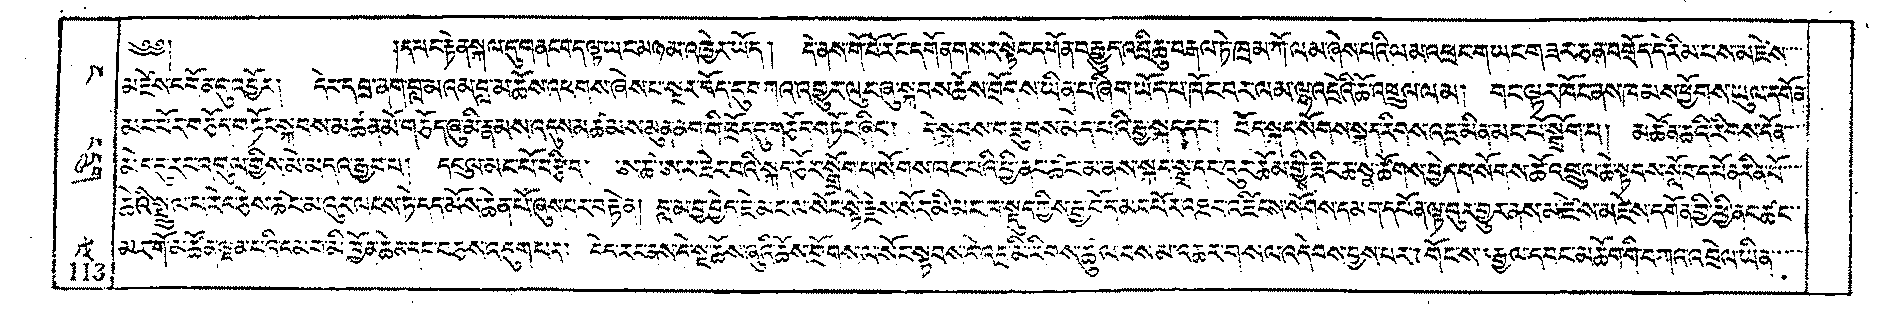༄༅། །དཔང་རྟེན་སྐལ་དུ་གནང་བ་ད་ལྟ་ཡང་མཉམ་འཁྱེར་ཡོད། དེ་ནས་གོ་བོ་རོང་དགོན་གསར་སྟེང་དགོན་བརྒྱུད་འབྲི་ཆུ་བརྒལ་ཏེ་ཁྲམ་ཀོ་ལམ་ཞེས་པའི་ལམ་འཕྲང་གཡང་གཟར་ཅན་བགྲོད་དེ་རིམ་པས་མཛེས་
མཛེས་དགོན་དུ་འབྱོར། དེར་དབྲ་ནག་བླ་མའམ་བླ་མ་ཆོས་འཕགས་ཞེས་པ་སྔར་བོད་དུ་བཀའ་འགྱུར་ལུང་ཞུ་སྐབས་ཆོས་གྲོགས་ཡིན་པ་ཞིག་ཡོད་པ་ཁོང་བར་ལམ་ལྷ་འདྲེའི་ཆོ་འཕྲུལ་ལམ། གང་ལྟར་ཁོང་ནས་ཁམས་ཕྱོགས་ཡུལ་དགོན་
མང་པོར་གཅོད་གཏོང་སྐབས་མཚན་མོ་གཅོད་ཞུ་མི་རྣམས་འདུས་མཚམས་མུན་ནག་གི་ཁྲོད་དུ་གཅོད་གཏོང་ཞིང་། དེ་སྐབས་གཟུགས་མེད་པའི་རྒྱ་སྐད་དང་། བོད་སྐད་སོགས་སྐད་རིགས་འདྲ་མིན་མང་པོ་སྒྲོག་པ། མཚོན་ཆའི་རིགས་དོན་
མེད་དུ་རང་འགུལ་གྱིས་མེ་མདའ་རྒྱབ་པ། དངུལ་མང་པོ་བརྩི་བ། ཨ་ཚ་ཨ་ར་ཟེར་བའི་སྐད་ཅོར་སྒྲོག་པ་སོགས་ཁང་པའི་ཕྱི་ནང་ཚང་མ་ནས་སྐད་སྒྲ་དང་འུར་ཆོམ་གྱིས་ཟིང་ཆ་སྣ་ཚོགས་བྱེད་པ་སོགས་ཆོ་འཕྲུལ་ཆེ་སྟབས་སློབ་དཔོན་རིན་པོ་
ཆེའི་སྤྲུལ་པ་རེད་ཅེས་ཚང་མ་འུར་ལངས་ཏེ་དད་མོས་ཆེན་པོ་ཞུས་པར་བརྟེན། བླ་མ་བྱ་བྱེད་ཇེ་མང་ལ་སོང་སྟེ་རྗེས་སོར་མི་མང་ཁ་སྡུད་ཀྱིས་རྒྱ་བོད་མང་པོར་འཐབ་འཛིངས་སོགས་དམག་དཔོན་ལྟ་བུར་གྱུར་ནས་མཛེས་མཛེས་དགོན་གྱི་ཕྱི་ནང་ཚང་
མར་གོ་མཚོན་ལྡན་པའི་དམག་མི་ཁྱོན་ཆེན་དང་བཅས་འདུག་པར། ངེད་རང་ནས་དེ་སྔ་ཆོས་ཞུའི་ཆོས་གྲོགས་ལ་སོང་སྟབས་དེ་འདྲ་མི་རིགས་ཚུལ་བསམ་འཆར་གསལ་འདེབས་བྱས་པར་༧་གོང་ས་༧་རྒྱལ་དབང་མཆོག་གི་བཀའ་འབྲེལ་ཡིན་